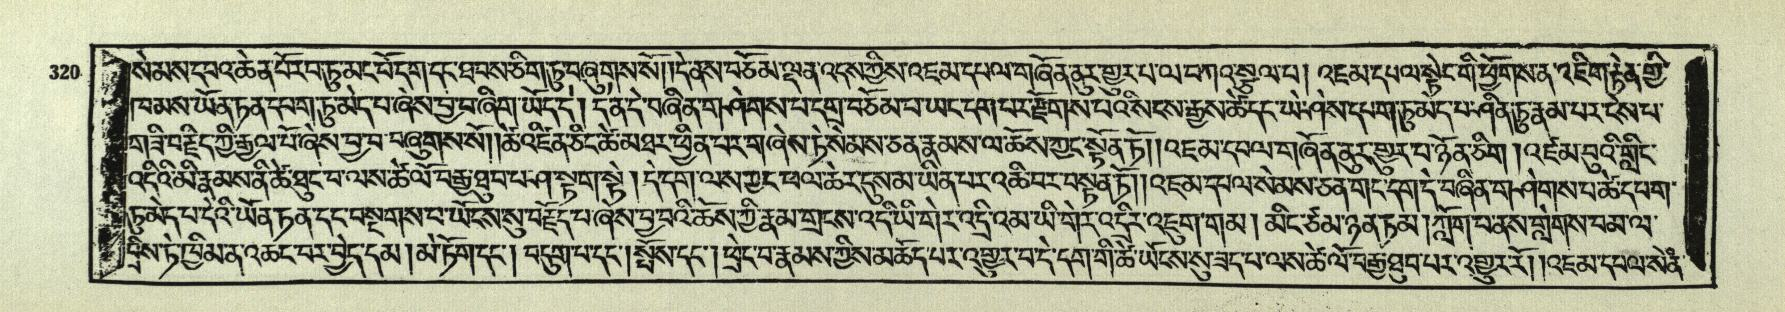སེམས་དཔའ་ཆེན་པོ་རབ་ཏུ་མང་པོ་དག་དང་ཐབས་ཅིག་ཏུ་བཞུགས་སོ། །དེ་ནས་བཅོམ་ལྡན་འདས་ཀྱིས་འཇམ་དཔལ་གཞོན་ནུར་གྱུར་པ་ལ་བཀའ་སྩལ་པ། འཇམ་དཔལ་སྟེང་གི་ཕྱོགས་ན་འཇིག་རྟེན་གྱི་
ཁམས་ཡོན་ཏན་དཔག་ཏུ་མེད་པ་ཞེས་བྱ་བ་ཞིག་ཡོད་དེ། དེ་ན་དེ་བཞིན་གཤེགས་པ་དགྲ་བཅོམ་པ་ཡང་དག་པར་རྫོགས་པའི་སངས་རྒྱས་ཚེ་དང་ཡེ་ཤེས་དཔག་ཏུ་མེད་པ་ཤིན་ཏུ་རྣམ་པར་ངེས་པ་
གཟི་བརྗིད་ཀྱི་རྒྱལ་པོ་ཞེས་བྱ་བ་བཞུགས་སོ། །ཚེ་འཛིན་ཅིང་ཚེ་མཐར་ཕྱིན་པར་གཞེས་ཏེ་སེམས་ཅན་རྣམས་ལ་ཆོས་ཀྱང་སྟོན་ཏོ། །འཇམ་དཔལ་གཞོན་ནུར་གྱུར་པ་ཉོན་ཅིག། འཛམ་བུའི་གླིང་
འདིའི་མི་རྣམས་ནི་ཚེ་ཐུང་བ་ལས་ཚེ་ལོ་བརྒྱ་ཐུབ་པ་ཤ་སྟག་སྟེ། དེ་དག་ལས་ཀྱང་ཕལ་ཆེར་དུས་མ་ཡིན་པར་འཆི་བར་བསྟན་ཏོ། །འཇམ་དཔལ་སེམས་ཅན་གང་དག་དེ་བཞིན་གཤེགས་པ་ཚེ་དཔག་
ཏུ་མེད་པ་དེའི་ཡོན་ཏན་དང་བསྔགས་པ་ཡོངས་སུ་བརྗོད་པ་ཞེས་བྱ་བའི་ཆོས་ཀྱི་རྣམ་གྲངས་འདི་ཡི་གེར་འདྲི་འམ་ཡི་གེར་འདྲི་འཇུག་གམ། མིང་ཙམ་ཉན་ཏམ་།ཀློག་པ་ནས་གླེགས་བམ་ལ་
བྲིས་ཏེ་ཁྱིམ་ན་འཆང་བར་བྱེད་དམ། མེ་ཏོག་དང་། བདུག་པ་དང་། སྤོས་དང་། ཕྲེང་བ་རྣམས་ཀྱིས་མཆོད་པར་འགྱུར་བ་དེ་དག་གི་ཚེ་ཡོངས་སུ་ཟད་པ་ལས་ཚེ་ལོ་བརྒྱ་ཐུབ་པར་འགྱུར་རོ། །འཇམ་དཔལ་སེནཾ་